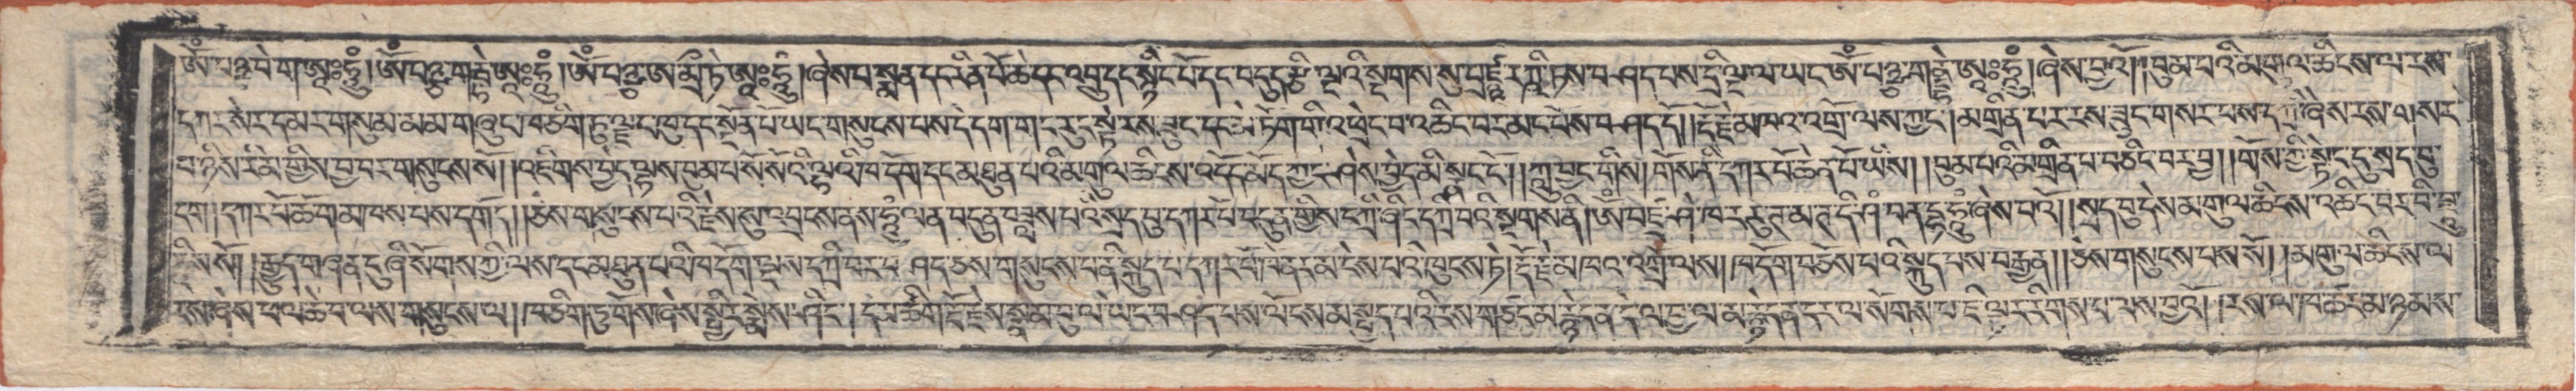ཨོཾ་པཉྩ་བེ་ག་ཨཱཿ ཧཱུཾ། ཨོཾ་པཉྩ་གརྦྷ་ཨཱཿ ཧཱུཾ། ཨོཾ་པཉྩ་ཨ་མྲྀ་ཏེ་ཨཱཿ ཧཱུཾ། ཞེས་པ་སྨན་དང་རིན་པོ་ཆེ་དང་འབྲུ་དང་སྙིང་པོ་དང་བདུད་རྩི་ལྔའི་སྔགས་སུ་པྲཛྙཱ་རཀཥི་ཏས་བཤད་པས་དྲི་ལྔ་ལ་ཡང་ཨོཾ་པཉྩ་གནྡྷེ་ཨཱ་ཧཱུཾ། ཞེས་བྱའོ། །བུམ་པའི་མགུལ་ཆིངས་ལ་རས་
དཀར་སེར་དམར་གསུམ་མམ་གཞུང་ཁ་ཅིག་ཏུ་ལྗང་ཁུ་དང་སྔོན་པོ་ཡང་གསུངས་པས་དེ་དག་གང་རུང་སྟེ་རས་ཟུང་དང་མེ་ཏོག་གི་འཕྲེང་བ་འཆིང་བར་མང་པོས་བཤད་དོ། །རྡོ་རྗེ་མཁའ་འགྲོ་ལས་ཀྱང་། མགྲིན་པར་རས་ཟུང་གསར་པས་དཀྲི་ཞེས་རས་གསར་
པ་ཉིས་རིམ་གྱིས་བྱ་བར་གསུངས་སོ། །འཇིགས་བྱེད་ལྷས་བུམ་པ་སོ་སོའི་ལྷའི་ཁ་དོག་དང་མཐུན་པའི་མགུལ་ཆིངས་འདོད་མོད་ཀྱང་ཤེས་བྱེད་མི་སྣང་ངོ། །ཀླུ་བྱང་གིས། གོས་ནི་དཀར་པོ་ཆེན་པོ་ཡིས། །བུམ་པའི་མགྲིན་པ་བཅིང་བར་བྱ། །གོས་ཀྱི་སྟེང་དུ་སྲད་བུ་
དག །དཀར་པོ་ཆོ་ག་མཁས་པས་དགོད། །ཅེས་གསུངས་པའི་རྗེས་སུ་འབྲངས་ནས་ཧཱུཾ་ལན་བདུན་བཟླས་པའི་སྲད་བུ་དཀར་པོ་བདུན་གྱིས་དཀྲི་ཞིང་དཀྲི་བའི་སྔགས་ནི། ཨོཾ་བཛྲ་ཤེ་ཁ་རརུ་ཊ་མ་ཊ་དི་ཤཾ་བན་དྷ་ཧཱུཾ་ཞེས་པའོ། །སྲད་བུ་དེས་མགུལ་ཆིངས་འཆིང་བར་བི་བྷཱུཾ་
ཏཱིས་སོ། །རྒྱུད་གཞན་དུ་ཞི་སོགས་ཀྱི་ལས་དང་མཐུན་པའི་ཁ་དོག་ལྔས་དཀྲི་བར་བཤད་ཅེས་གསུངས་པ་ནི་སྐུད་པ་དཀར་པོ་ཁོ་ནར་མ་ངེས་པའི་ཁུངས་ཏེ། རྡོ་རྗེ་མཁའ་འགྲོ་ལས། ཁ་དོག་བཅོས་པའི་སྐུད་པས་བརྒྱན། །ཅེས་གསུངས་པས་སོ། །མགུལ་ཆིངས་ལ་
རས་ཞེས་ཕལ་ཆེ་བ་ལས་གསུངས་ལ། ཁ་ཅིག་ཏུ་གོས་ཞེས་སྤྱིར་སྨོས་ཤིང་། དམ་ཚིག་རྡོ་རྗེས་སྣམ་བུ་ལ་ཡང་བཤད་པས་ལོངས་མ་སྤྱད་པའི་རས་གཙང་མ་རྙེད་ན་དེ་ལ་བྱ་ལ་མ་རྙེད་ན་དར་ལ་སོགས་པ་ཇི་ལྟར་རིགས་པ་ལས་བྱའོ། །རས་ལ་ཁ་ཚར་མ་ཉམས་